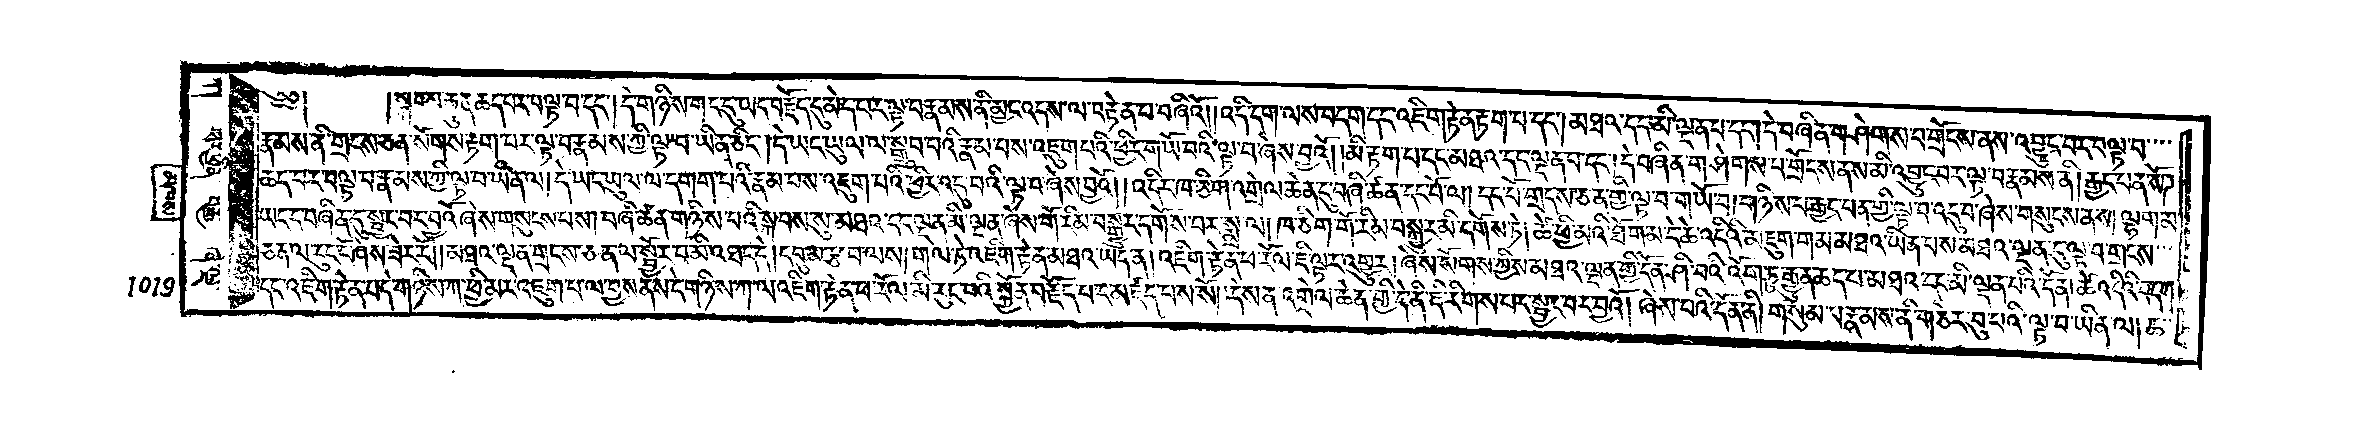༄༅། །སྐབས་རྒྱུན་ཆད་པར་བལྟ་བ་དང་། དེ་གཉིས་གང་དུ་ཡང་བརྗོད་དུ་མེད་པར་ལྟ་བ་རྣམས་ནི་མྱང་འདས་ལ་བརྟེན་པ་བཞིའོ། །འདི་དག་ལས་བདག་དང་འཇིག་རྟེན་རྟག་པ་དང་། མཐའ་དད་མི་ལྡན་པ་དང་། དེ་བཞིན་གཤེགས་པ་གྲོངས་ནས་འབྱུང་བར་བལྟ་བ་
རྣམས་ནི་གྲངས་ཅན་སོགས་རྟག་པར་ལྟ་བ་རྣམས་ཀྱི་ལྟ་བ་ཡིན་ཅིང་། དེ་ཡང་ཡུལ་ལ་སྒྲུབ་པའི་རྣམ་པས་འཇུག་པའི་ཕྱིར་གཡོ་བའི་ལྟ་བ་ཞེས་བྱའོ། །མི་རྟག་པ་དང་མཐའ་དང་ལྡན་པ་དང་། དེ་བཞིན་གཤེགས་པ་གྲོངས་ནས་མི་འབྱུང་བར་ལྟ་བ་རྣམས་ནི། རྒྱང་པན་སོགས་
ཆད་པར་བལྟ་བ་རྣམས་ཀྱི་ལྟ་བ་ཡིན་ལ། དེ་ཡང་ཡུལ་ལ་དགག་པའི་རྣམ་པས་འཇུག་པའི་ཕྱིར་འདུ་བའི་ལྟ་བ་ཞེས་བྱའོ། །འདིར་ཁ་ཅིག་འགྲེལ་ཆེན་དུ་བཞི་ཚན་དང་པོ་ལ། དང་པོ་གྲངས་ཅན་གྱི་ལྟ་བ་གཡོ་བ། གཉིས་པ་རྒྱང་པན་གྱི་ལྟ་བ་འདུ་བ་ཞེས་གསུངས་ནས། ལྷག་མ་
ཡང་དེ་བཞིན་དུ་སྦྱར་བར་བྱའོ་ཞེས་གསུངས་པས། བཞི་ཚན་གཉིས་པའི་སྐབས་སུ་མཐའ་དང་ལྡན་མི་ལྡན་ཞེས་གོ་རིམ་བསྒྱུར་དགོས་པར་སྨྲ་ལ། ཁ་ཅིག་གོ་རིམ་བསྒྱུར་མི་དགོས་ཏེ། ཚེ་ཕྱི་མའི་ཐོག་མ་དེ་ཚེ་འདིའི་མཇུག་གམ་མཐའ་ཡིན་པས་མཐའ་ལྡན་དུ་ལྟ་བ་གྲངས་
ཅན་ལ་རུང་ངོ་ཞེས་ཟེར་རོ། །མཐའ་ལྡན་གྲངས་ཅན་ལ་སྦྱོར་བ་མི་འཐད་དེ། དབུ་མ་རྩ་བ་ལས། གལ་ཏེ་འཇིག་རྟེན་མཐའ་ཡོད་ན། འཇིག་རྟེན་ཕ་རོལ་ཇི་ལྟར་འགྱུར། ཞེས་སོགས་ཀྱིས་མཐའ་ལྡན་གྱི་དོན་ཤི་བའི་འོག་ཏུ་རྒྱུན་ཆད་པ་མཐའ་དང་མི་ལྡན་པའི་དོན། ཚེ་འདིའི་བདག་
དང་འཇིག་རྟེན་པ་དེ་གཉིས་ཀ་ཕྱི་མར་འཇུག་པ་ལ་བྱས་ནས་དེ་གཉིས་ཀ་ལ་འཇིག་རྟེན་ཕ་རོལ་མི་རུང་བའི་སྐྱོན་བརྗོད་པར་མཛད་པས་སོ། །དེས་ན་འགྲེལ་ཆེན་གྱི་དེ་ནི་ཇི་རིགས་པར་སྦྱར་བར་བྱའོ། ཞེས་པའི་དོན་ནི། གསུམ་པ་རྣམས་ནི་གཅེར་བུ་པའི་ལྟ་བ་ཡིན་ལ། ཆ་